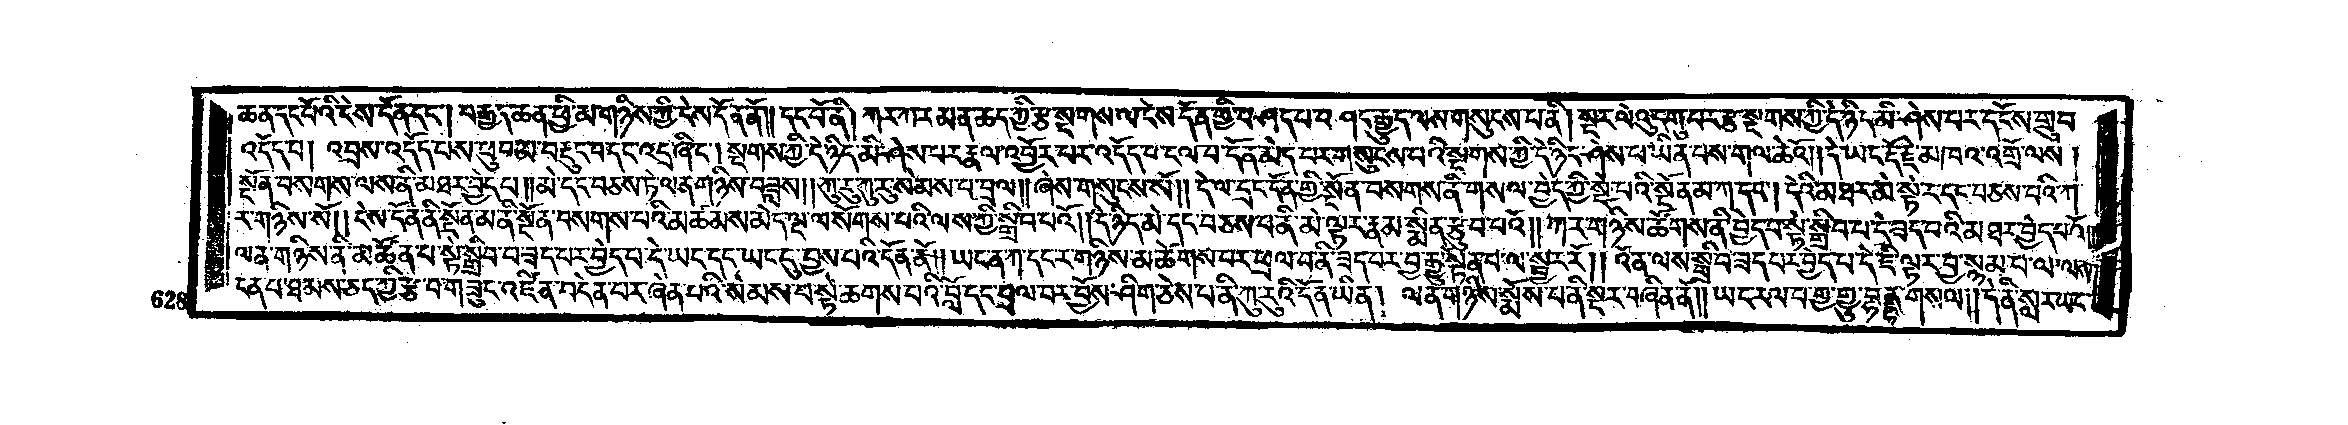ཆན་དང་པོའི་ངེས་དོན་དང་། བརྒྱད་ཆན་ཕྱི་མ་གཉིས་ཀྱི་ངེས་དོན་ནོ། །དང་པོ་ནི། ཀ་ར་ཀ་ར་མན་ཆད་ཀྱི་རྩ་སྔགས་ལ་ངེས་དོན་གྱི་བཤད་པ་བཤད་རྒྱུད་ལས་གསུངས་པ་ནི། སྔར་ལེའུ་དགུ་པར་རྩ་སྔགས་ཀྱི་དེ་ཉིད་མི་ཤེས་པར་དངོས་གྲུབ་
འདོད་པ། འབྲས་འདོད་པས་ཕུབ་མ་བརྡུང་བ་དང་འདྲ་ཞིང་། སྔགས་ཀྱི་དེ་ཉིད་མི་ཤེས་པར་རྣལ་འབྱོར་པར་འདོད་པ་ངལ་བ་དོན་མེད་པར་གསུངས་པའི་སྔགས་ཀྱི་དེ་ཉིད་ཤེས་པ་ཡིན་པས་གལ་ཆེའོ། །དེ་ཡང་རྡོ་རྗེ་མཁའ་འགྲོ་ལས།
སྔོན་བསགས་ལས་ནི་མཐར་བྱེད་པ། །མེ་དང་བཅས་ཏེ་ལན་གཉིས་བཟླས། །ཀུ་རུ་ཀུ་རུ་སེམས་པ་བྲལ། །ཞེས་གསུངས་སོ། །དེ་ལ་དྲང་དོན་གྱི་སྔོན་བསགས་ནི་གསལ་བྱེད་ཀྱི་སྡེ་པའི་སྔོན་མ་ཀ་དང་། དེའི་མཐར་མེ་སྟེ་ར་དང་བཅས་པའི་ཀ་
ར་གཉིས་སོ། །ངེས་དོན་ནི་སྔོན་མ་ནི་སྔོན་བསགས་པའི་མཚམས་མེད་ལྔ་ལ་སོགས་པའི་ལས་ཀྱི་སྒྲིབ་པའོ། །དེ་ཉིད་མེ་དང་བཅས་པ་ནི་མེ་ལྟར་རྣམ་སྨིན་རྩུབ་པའོ། །ཀ་ར་གཉིས་ཚོགས་ནི་བྱེད་པ་སྟེ་སྒྲིབ་པ་དེ་ཟད་པའི་མཐར་བྱེད་པའོ། །
ལན་གཉིས་ནི་མཚོན་པ་སྟེ་སྒྲིབ་པ་ཟད་པར་བྱེད་པ་དེ་ཡང་དང་ཡང་དུ་བྱས་པའི་དོན་ནོ། །ཡང་ན་ཀ་དང་ར་གཉིས་མ་ཆོགས་པར་ཕྲལ་བ་ནི་ཟད་པར་བྱ་རྒྱུ་སྟོན་པ་ལ་སྦྱར་རོ། །འོ་ན་ལས་སྒྲིབ་ཟད་པར་བྱེད་པ་དེ་ཇི་ལྟར་བྱ་སྙམ་པ་ལ་ལས་
ངན་པ་ཐམས་ཅད་ཀྱི་རྩ་བ་གཟུང་འཛིན་བདེན་པར་ཞེན་པའི་སེམས་པ་སྟེ་ཆགས་པའི་བློ་དང་བྲལ་བར་བྱོས་ཤིག་ཅེས་པ་ནི་ཀུ་རུའི་དོན་ཡིན་ལ། ལན་གཉིས་སྨོས་པ་ནི་སྔར་བཞིན་ནོ། །ཡང་རལ་པ་གྱ་གྱུ་བྷནྡྷཱ་གསལ། །དེ་ནི་སླར་ཡང་